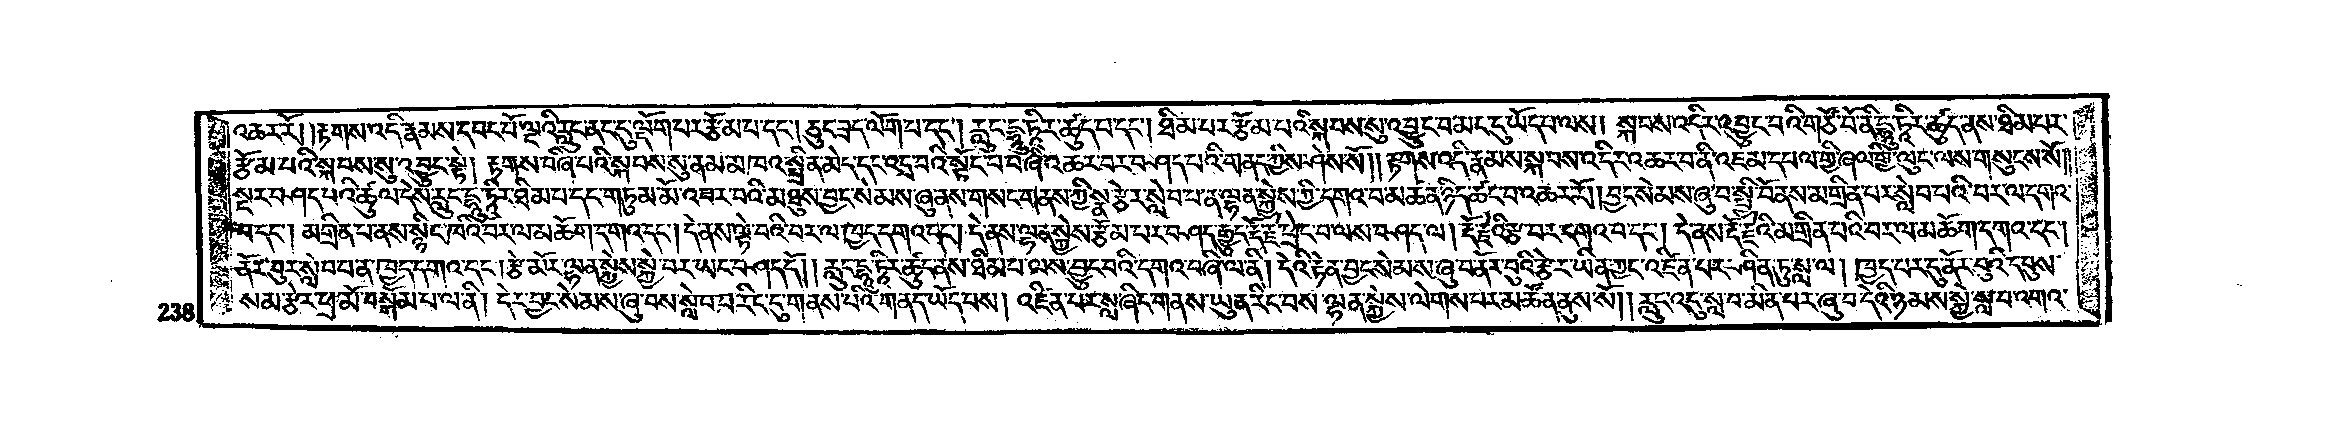འཆར་རོ། །རྟགས་འདི་རྣམས་དབང་པོ་ལྔའི་རླུང་ནང་དུ་ལྡོག་པར་རྩོམ་པ་དང་། ཅུང་ཟད་ལོག་པ་དང་། རླུང་དྷཱུ་ཏཱིར་ཚུད་པ་དང་། ཐིམ་པར་རྩོམ་པའི་སྐབས་སུ་འབྱུང་བ་མང་དུ་ཡོད་པ་ལས། སྐབས་འདིར་འབྱུང་བའི་གཙོ་བོ་ནི་དྷཱུ་ཏཱིར་ཚུད་ནས་ཐིམ་པར་
རྩོམ་པའི་སྐབས་སུ་འབྱུང་སྟེ། རྟགས་བཞི་པའི་སྐབས་སུ་ནམ་མཁའི་སྤྲིན་མེད་དང་འདྲ་བའི་སྟོང་པ་བཞི་འཆར་བར་བཤད་པའི་གནད་ཀྱིས་ཤེས་སོ། །རྟགས་འདི་རྣམས་སྐབས་འདིར་འཆར་བ་ནི་འཇམ་དཔལ་གྱི་ཞལ་གྱི་ལུང་ལས་གསུངས་སོ།།
སྔར་བཤད་པའི་ཚུལ་དེས་རླུང་དྷཱུ་ཏཱིར་ཐིམ་པ་དང་གཏུམ་མོ་འབར་བའི་མཐུས་བྱང་སེམས་ཞུ་ནས་གསང་གནས་ཀྱི་སྣ་རྩེར་སླེབ་པ་ན་ལྷན་སྐྱེས་ཀྱི་དགའ་བ་མཚན་ཉིད་ཚང་བ་འཆར་རོ། །བྱང་སེམས་ཞུ་བ་སྤྱི་བོ་ནས་མགྲིན་པར་སླེབ་པའི་བར་ལ་དགའ་
བ་དང་། མགྲིན་པ་ནས་སྙིང་ཁའི་བར་ལ་མཆོག་དགའ་དང་། དེ་ནས་ལྟེ་བའི་བར་ལ་ཁྱད་དགའ་དང་། དེ་ནས་ལྷན་སྐྱེས་རྩོམ་པར་བཤད་རྒྱུད་རྡོ་རྗེ་ཕྲེང་བ་ལས་བཤད་ལ། རྡོ་རྗེའི་རྩ་བར་དགའ་བ་དང་། དེ་ནས་རྡོ་རྗེའི་མགྲིན་པའི་བར་ལ་མཆོག་དགའ་དང་།
ནོར་བུར་སླེབ་པ་ན་ཁྱད་དགའ་དང་། རྩེ་མོར་ལྷན་སྐྱེས་སྐྱེ་བར་ཡང་བཤད་དོ། །རླུང་དྷཱུ་ཏཱིར་ཚུད་ནས་ཐིམ་པ་ལས་བྱུང་བའི་དགའ་བཞི་ལ་ནི། དེའི་རྟེན་བྱང་སེམས་ཞུ་བ་ནོར་བུའི་རྩེར་ཡིན་ཀྱང་འཛིན་པར་ཤིན་ཏུ་སླ་ལ། ཁྱད་པར་དུ་ནོར་བུའི་དབུས་
སམ་རྩེར་ཕྲ་མོ་བསྒོམ་པ་ལ་ནི། དེར་བྱང་སེམས་ཞུ་བས་སླེབ་པ་རིང་དུ་གནས་པའི་གནད་ཡོད་པས། འཛིན་པར་སླ་ཞིང་གནས་ཡུན་རིང་བས་ལྷན་སྐྱེས་ལེགས་པར་མཚོན་ནུས་སོ། །རླུང་འདུ་སླ་བ་མིན་པར་ཞུ་བ་དེའི་ཉམས་སྐྱེ་སླ་བ་འགའ་